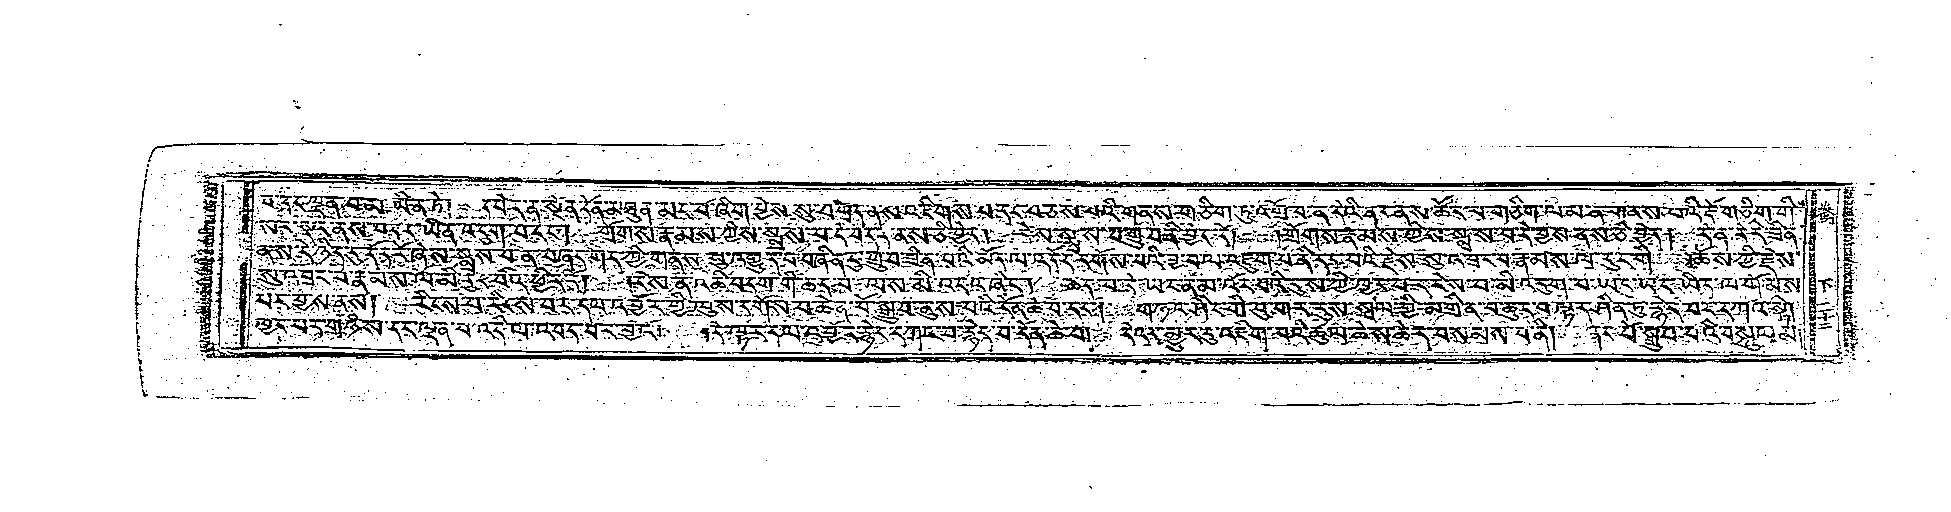བ་དང་ལྡན་པ་མ་ཡིན་ཏེ། དབེར་ན་སྔོན་དོན་མཐུན་མང་པོ་ཞིག་བྱེས་སུ་བགྲོད་ནས་འཇིགས་པ་དང་བཅས་པའི་གནས་གཅིག་ཏུ་འགྲོ་བ་ན་དེའི་ནང་ནས་ཚོང་པ་གཅིག་ལམ་ན་གནས་པའི་རྡོ་གཅིག་གི་
སར་སྔར་ནས་པ་དར་ཡིན་འདུག་པ་དང་། གྲོགས་རྣམས་ཀྱིས་སྨྲས་པ་དེ་བདར་ནས་ཅི་བྱེད། དེས་སྨྲས་པ་གྲུ་བཞི་བྱེད་དོ། །གྲོགས་རྣམས་ཀྱིས་སྨྲས་པ་དེ་བྱས་ནས་ཅི་བྱེད། དེ་ན་རེ་རེ་ཟིན་
ནས་དེ་ཉིད་དུ་དོར་རོ་ཞེས་སྨྲས་པ་ན་བཞད་གད་ཀྱི་གནས་སུ་འགྱུར་བ་བཞིན་དུ་གྲུབ་ཟིན་པའི་མདོ་ལ་འདོད་དགོས་པའི་བྱ་བ་ལ་འཇུག་པ་ནི་དང་པའི་རྗེས་སུ་འབྲང་བ་རྣམས་ལ་རུང་གི །ཆོས་ཀྱི་རྗེས་
སུ་འབྲང་པ་རྣམས་ལ་མི་རུང་བའི་ཕྱིར་རོ། །ངེས་ན་འཆི་བདག་གི་ཆད་པ་ལས་མི་འདའ་ཞིང་། ཆད་པ་དེ་ཡང་ན་མ་འོང་བའི་དུས་ཀྱི་ཁྱད་པར་ངེས་པ་མི་འདུག་པ་ཡང་ཡང་ཡིད་ལ་གོམས་
པར་བྱས་ནས། རིངས་པ་རིངས་པར་དལ་འབྱོར་གྱི་ཁུས་དགོས་པ་ཆེན་པོ་སྒྲུབ་ནུས་པའི་དོན་ཆེ་བ་དང་། གཉའ་ཤིང་གི་བུ་གར་རུས་སྤལ་གྱི་མགྲིན་པ་ཆུང་བ་ལྟར་ཤིན་ཏུ་རྙེད་པར་དཀའ་སྟེ།
ཁྱད་པར་གཉིས་དང་ལྡན་པ་འདི་ལ་འབད་པར་བྱའོ། །དེ་ལྟར་དལ་འབྱོར་རྙེད་དཀའ་བ་རྙེད་པ་དོན་ཆེ་བ། དེའང་མྱུར་དུ་འཇིག་པའི་ཚུལ་ཆེས་ཆེར་བསམས་པ་ནི། ནང་པོ་སྒྲུབ་པའི་བསྐུལ་